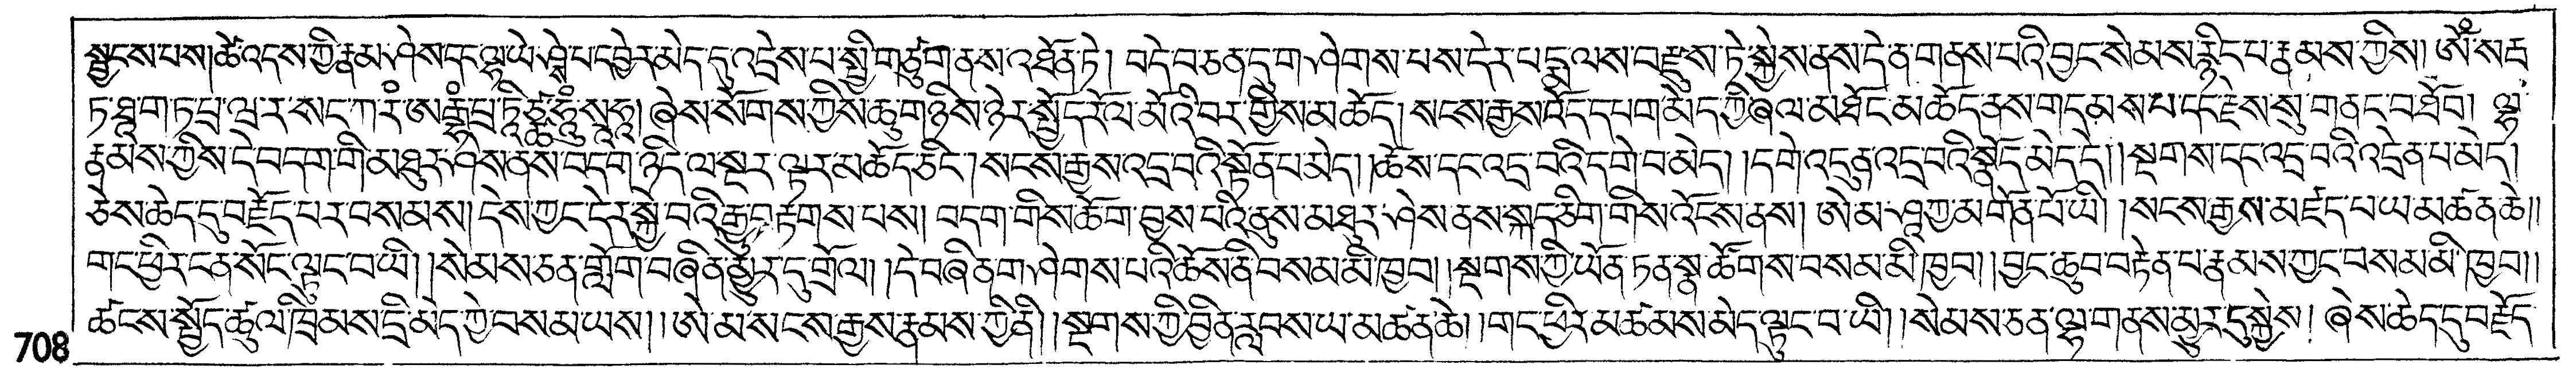སྦྱངས་པས། ཚེ་འདས་ཀྱི་རྣམ་ཤེས་དང་ལྷ་ཡེ་ཤེས་པ་དབྱེར་མེད་དུ་འདྲེས་པ་སྤྱི་གཙུག་ནས་འཐོན་ཏེ། བདེ་བ་ཅན་དུ་གཤེགས་པས་དེར་པདམ་ལས་བརྫུས་ཏེ་སྐྱེས་ནས་དེ་ན་གནས་པའི་བྱང་སེམས་རྙིང་པ་རྣམས་ཀྱིས། ཨོཾ་སརྦ་
ཏ་ཐཱ་ག་ཏ་པྲ་ཝ་ར་སང་ཀ་རཾ་ཨརྒྷཾ་པྲ་ཏཱི་ཙྪ་ཧཱུཾ་སྭཱཧཱ། ཞེས་སོགས་ཀྱིས་ཆུ་གཉིས་ཉེར་སྤྱོད་རོལ་མོའི་བར་གྱིས་མཆོད། སངས་རྒྱས་འོད་དཔག་མེད་ཀྱི་ཞལ་མཐོང་མཆོད་ནས་གདམས་པ་དང་རྗེས་སུ་གནང་བ་ཐོབ། ལྷ་
རྣམས་ཀྱིས་དེ་བདག་གི་མཐུར་ཤེས་ནས་བདག་ཉིད་ལ་སྔར་ལྟར་མཆོད་ཅིང་། སངས་རྒྱས་འདྲ་བའི་སྟོན་པ་མེད། །ཆོས་དང་འདྲ་བའི་དགེ་བ་མེད། །དགེ་འདུན་འདྲ་བའི་སྣོད་མེད་དོ། །སྔགས་དང་འདྲ་བའི་འདྲེན་པ་མེད།
ཅེས་ཆེད་དུ་བརྗོད་པར་བསམས། དེས་ཀྱང་དེར་སྐྱེ་བའི་རྒྱུ་བརྟགས་པས། བདག་གིས་ཆོ་ག་བྱས་པའི་ནུས་མཐུར་ཤེས་ནས་སྐད་ཅིག་གིས་འོངས་ནས། ཨེ་མ་ཤཱཀྱ་མགོན་པོ་ཡི། །སངས་རྒྱས་མཛད་པ་ཡ་མཚན་ཆེ།།
གང་ཕྱིར་ངན་སོང་ལྟུང་བ་ཡི། །སེམས་ཅན་གློག་བཞིན་མྱུར་དུ་གྲོལ། །དེ་བཞིན་གཤེགས་པའི་ཆོས་ནི་བསམ་མི་ཁྱབ། །སྔགས་ཀྱི་ཡོན་ཏན་སྣ་ཚོགས་བསམ་མི་ཁྱབ། །བྱང་ཆུབ་བརྟེན་པ་རྣམས་ཀྱང་བསམ་མི་ཁྱབ།།
ཚངས་སྤྱོད་ཚུལ་ཁྲིམས་དྲི་མེད་ཀྱེ་བསམ་ཡས། །ཨེ་མ་སངས་རྒྱས་རྣམས་ཀྱི་ནི། །སྔགས་ཀྱི་བྱིན་རླབས་ཡ་མཚན་ཆེ། །གང་ཕྱིར་མཚམས་མེད་ལྟུང་བ་ཡི། །སེམས་ཅན་ལྷ་གནས་མྱུར་དུ་སྐྱེས། ཞེས་ཆེད་དུ་བརྗོད་